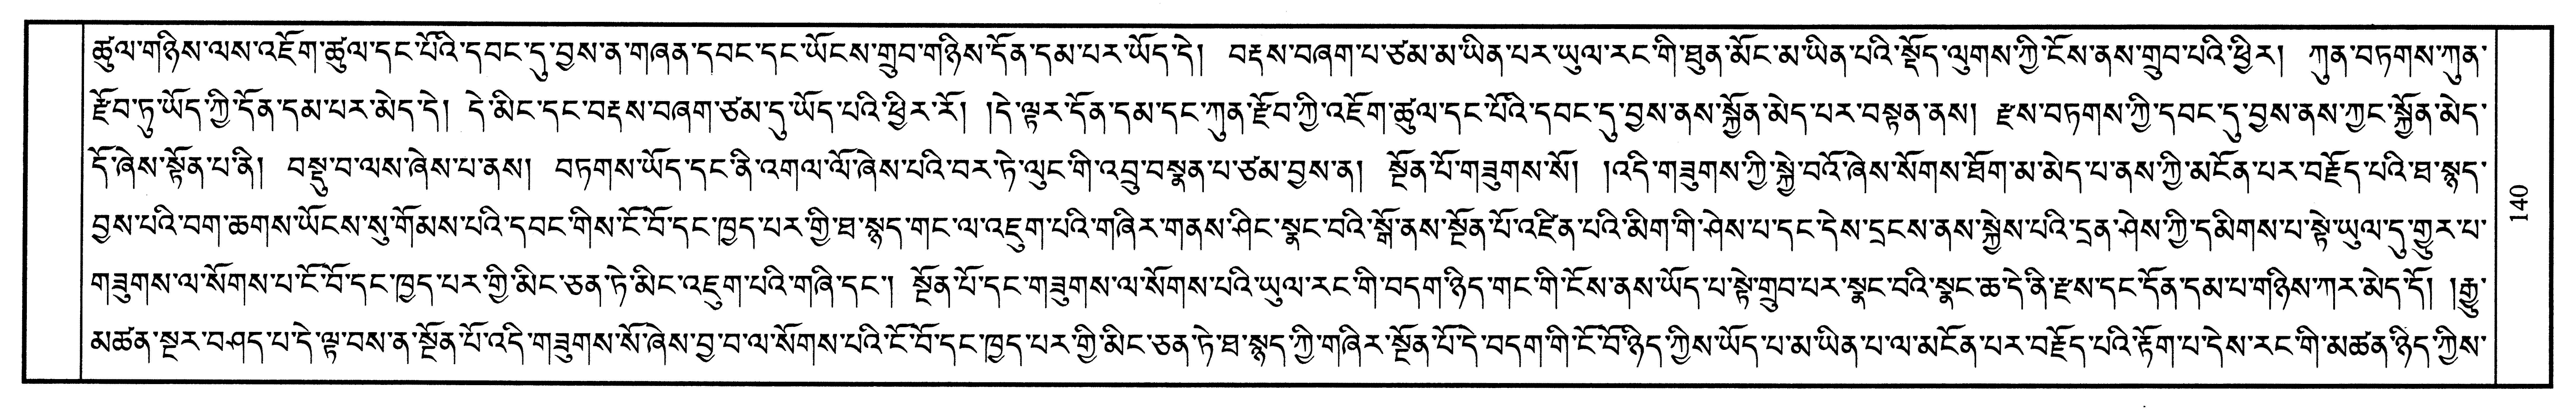ཚུལ་གཉིས་ལས་འཇོག་ཚུལ་དང་པོའི་དབང་དུ་བྱས་ན་གཞན་དབང་དང་ཡོངས་གྲུབ་གཉིས་དོན་དམ་པར་ཡོད་དེ། བརྡས་བཞག་པ་ཙམ་མ་ཡིན་པར་ཡུལ་རང་གི་ཐུན་མོང་མ་ཡིན་པའི་སྡོད་ལུགས་ཀྱི་ངོས་ནས་གྲུབ་པའི་ཕྱིར། ཀུན་བཏགས་ཀུན་
རྫོབ་ཏུ་ཡོད་ཀྱི་དོན་དམ་པར་མེད་དེ། དེ་མིང་དང་བརྡས་བཞག་ཙམ་དུ་ཡོད་པའི་ཕྱིར་རོ། །དེ་ལྟར་དོན་དམ་དང་ཀུན་རྫོབ་ཀྱི་འཇོག་ཚུལ་དང་པོའི་དབང་དུ་བྱས་ནས་སྐྱོན་མེད་པར་བསྟན་ནས། རྫས་བཏགས་ཀྱི་དབང་དུ་བྱས་ནས་ཀྱང་སྐྱོན་མེད་
དོ་ཞེས་སྟོན་པ་ནི། བསྡུ་བ་ལས་ཞེས་པ་ནས། བཏགས་ཡོད་དང་ནི་འགལ་ལོ་ཞེས་པའི་བར་ཏེ་ལུང་གི་འབྲུ་བསྣན་པ་ཙམ་བྱས་ན། སྔོན་པོ་གཟུགས་སོ། །འདི་གཟུགས་ཀྱི་སྐྱེ་བའོ་ཞེས་སོགས་ཐོག་མ་མེད་པ་ནས་ཀྱི་མངོན་པར་བརྗོད་པའི་ཐ་སྙད་
བྱས་པའི་བག་ཆགས་ཡོངས་སུ་གོམས་པའི་དབང་གིས་ངོ་བོ་དང་ཁྱད་པར་གྱི་ཐ་སྙད་གང་ལ་འཇུག་པའི་གཞིར་གནས་ཤིང་སྣང་བའི་སྒོ་ནས་སྔོན་པོ་འཛིན་པའི་མིག་གི་ཤེས་པ་དང་དེས་དྲངས་ནས་སྐྱེས་པའི་དྲན་ཤེས་ཀྱི་དམིགས་པ་སྟེ་ཡུལ་དུ་གྱུར་པ་
གཟུགས་ལ་སོགས་པ་ངོ་བོ་དང་ཁྱད་པར་གྱི་མིང་ཅན་ཏེ་མིང་འཇུག་པའི་གཞི་དང་། སྔོན་པོ་དང་གཟུགས་ལ་སོགས་པའི་ཡུལ་རང་གི་བདག་ཉིད་གང་གི་ངོས་ནས་ཡོད་པ་སྟེ་གྲུབ་པར་སྣང་བའི་སྣང་ཆ་དེ་ནི་རྫས་དང་དོན་དམ་པ་གཉིས་ཀར་མེད་དོ། །རྒྱུ་
མཚན་སྔར་བཤད་པ་དེ་ལྟ་བས་ན་སྔོན་པོ་འདི་གཟུགས་སོ་ཞེས་བྱ་བ་ལ་སོགས་པའི་ངོ་བོ་དང་ཁྱད་པར་གྱི་མིང་ཅན་ཏེ་ཐ་སྙད་ཀྱི་གཞིར་སྔོན་པོ་དེ་བདག་གི་ངོ་བོ་ཉིད་ཀྱིས་ཡོད་པ་མ་ཡིན་པ་ལ་མངོན་པར་བརྗོད་པའི་རྟོག་པ་དེས་རང་གི་མཚན་ཉིད་ཀྱིས་